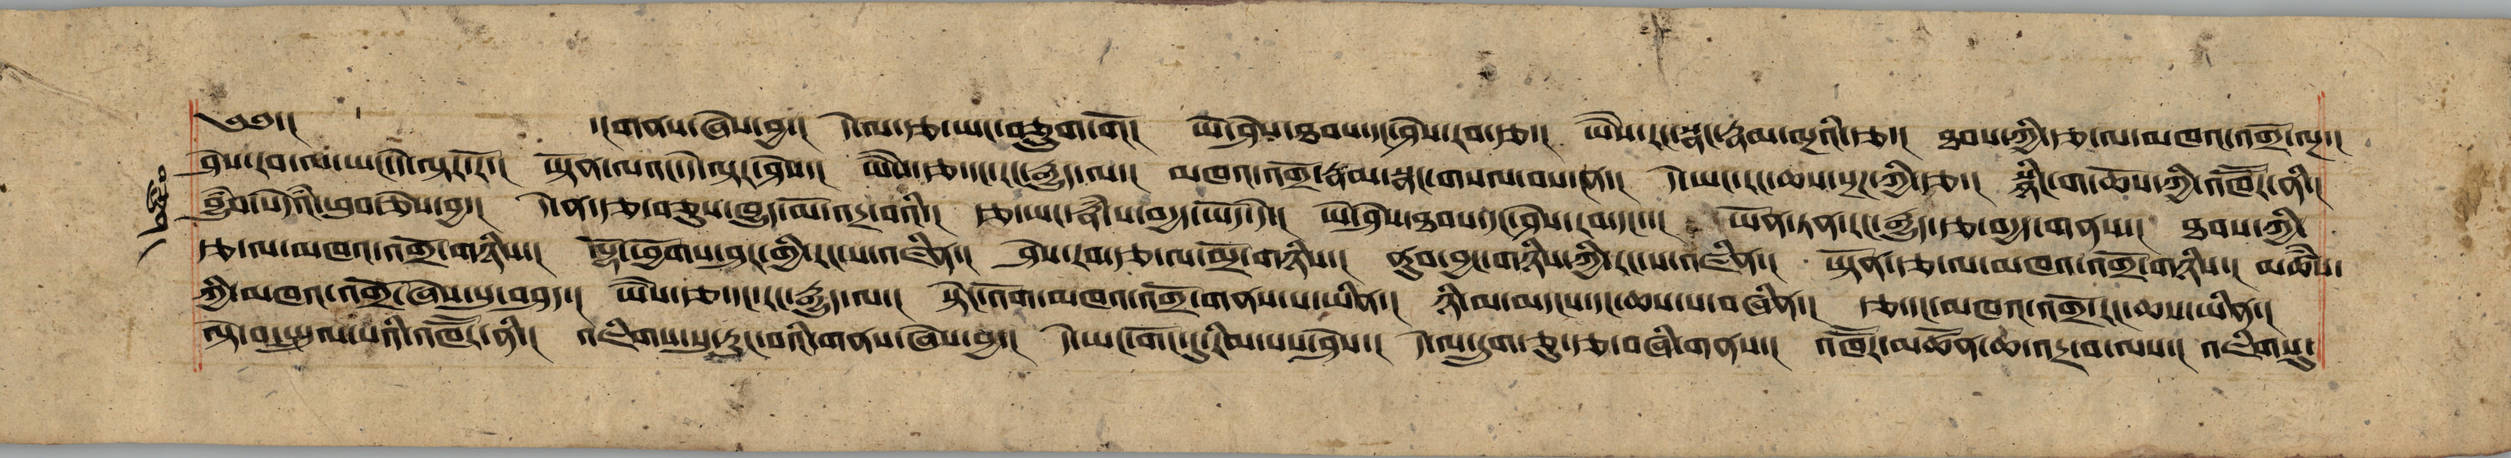༄༅་། ་།གནས་ཞེས་བྱ་། དེ་ལ་རྩ་ཡང་བཅྲུག་གོ། ཡེ་ཤེས་ཐབས་དང་ཤེས་རབ་རྩ་། ཡཻས་རང་སྣང་རྣམ་ལྔའི་རྩ་། ཐབས་ཀྱི་རྩ་ལ་མཁའ་འགྲོ་ལྔ་།
ཤེས་རབ་ལ་ཡང་དེ་ལྟར་རོ་། ཡྟོན་ལའང་དེ་ལྟར་ཤེས་། ཡཻས་རྩ་དང་རང་རྒྱུད་ལ་། མཁའ་འགྲོ་རྣམ་སྣང་གསལ་བས་ན་། དེ་ཡང་རང་ཆས་སྔཌ་ཀྱི་རྩ་། སྙིང་ག་ཆོས་ཀྱི་འཁཽར་ནི་།
བྱུབཾ་སེདཾའ་ཕུབ་ཅེས་བྱ་། དེ་ན་རྩ་བཅུས་ཁྱུད་མོ་འདྲ་བའི་། རྩ་ཡང་རྣཾ་པ་བདྱད་ཡོད་དེ་། ཡེ་ཤེས་ཐབས་དང་ཤེས་རབ་དང་་། ཡོ་ཏན་རང་རྒྱུད་རྩ་བདྱད་གནས་། ཐབས་ཀྱི་
རྩ་ལ་མཁའ་འགྲོ་གཉིས་། ལྷོ་ཕྱོགས་ཤར་གྱི་རང་ས་འཛིན་། ཤེས་རབ་རྩ་ལ་མྲོ་གཉིས་། ནུབ་བྱང་གཉིས་ཀྱི་རང་ས་འཛིན་། ཡྟོན་རྩ་ལ་མཁའ་འགྲོ་གཉིས་། མཚཾས་
ཀྱི་མཁའ་འགྲོ་ཞེས་སུ་བཤད་། ཡཻས་རྩ་དང་རང་རྒྱུད་ལ་། སྟོང་འོག་མཁའ་འགྲོ་གནས་པ་ཡིན་། ཉི་མ་མདངས་དང་ཆས་པ་བཞིན་། རྩ་དང་མཁའ་འགྲོ་རང་ཆས་ཡིན་།
ལྟེ་བ་སྤྲུལ་པའི་འཁཽར་ནི་། འཇིགས་སུ་རུང་བའི་གནས་ཞེས་བྱ་། དེ་ཡང་གོང་དུ་རིམ་པས་ཤེས་། དེ་ལ་དྲུག་ཅུ་རྩ་བཞི་གནས་། འཁཽར་མཚོན་ཆ་འདྲ་བ་ལས་། འཇིགསུ་